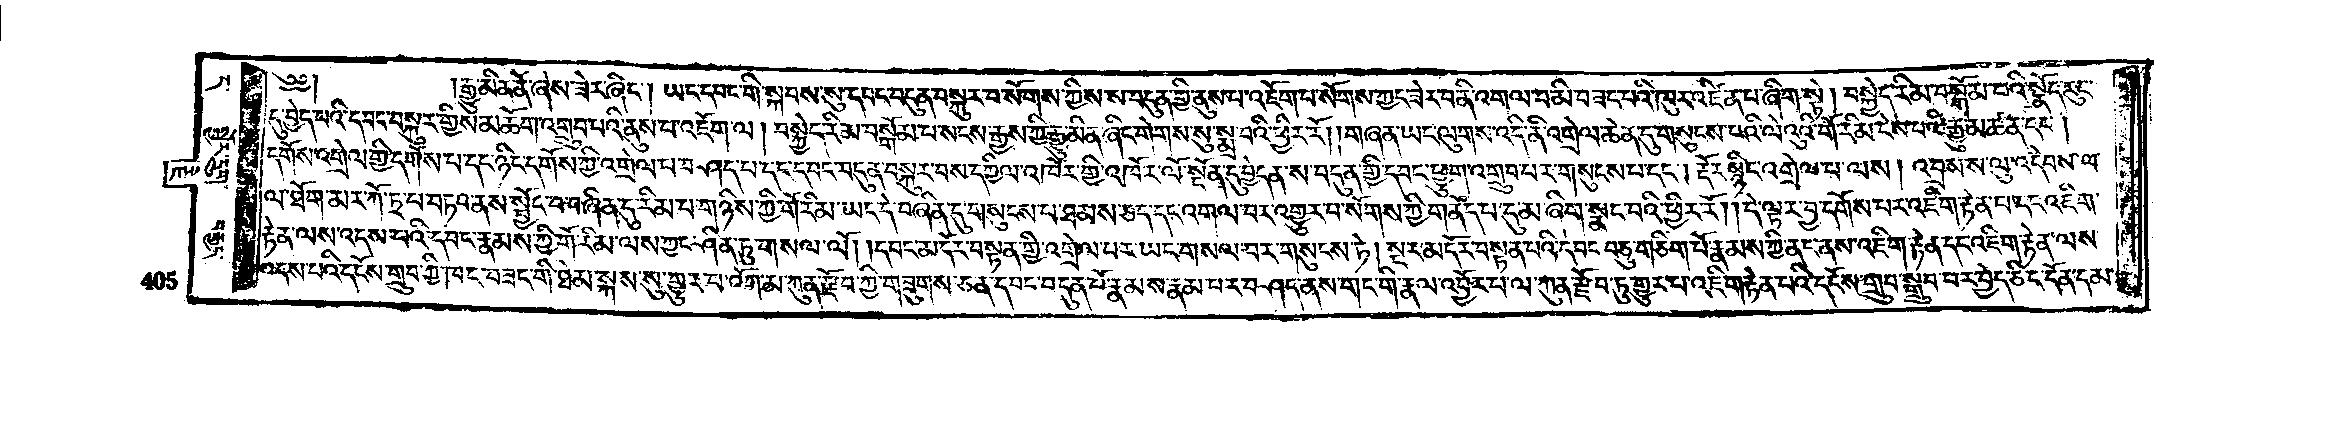༄༅། །རྒྱུ་མིན་ནོ་ཞེས་ཟེར་ཞིང་། ཡང་དབང་གི་སྐབས་སུ་དབང་བདུན་བསྐུར་བ་སོགས་ཀྱིས་ས་བདུན་གྱི་ནུས་པ་འཇོག་པ་སོགས་ཀྱང་ཟེར་བ་ནི་འགལ་བ་མི་བཟང་པའི་ཁུར་འཛིན་པ་ཞིག་སྟེ། བསྐྱེད་རིམ་བསྒོམ་པའི་སྣོད་རུང་
དུ་བྱེད་པའི་དབང་བསྐུར་གྱིས་མཆོག་འགྲུབ་པའི་ནུས་པ་འཇོག་ལ། བསྐྱེད་རིམ་བསྒོམ་པ་སངས་རྒྱས་ཀྱི་རྒྱུ་མིན་ཞིང་གེགས་སུ་སྨྲ་བའི་ཕྱིར་རོ། །གཞན་ཡང་ལུགས་འདི་ནི་འགྲེལ་ཆེན་དུ་གསུངས་པའི་ལེའུའི་གོ་རིམ་ངེས་པའི་རྒྱུ་མཚན་དང་།
དགོས་འགྲེལ་གྱི་དགོས་པ་དང་ཉིད་དགོས་ཀྱི་འགྲེལ་པ་བཤད་པ་དང་དབང་བདུན་བསྐུར་བས་དཀྱིལ་འཁོར་གྱི་འཁོར་ལོ་སྔོན་དུ་བྱེད་ན་ས་བདུན་གྱི་དབང་ཕྱུག་འགྲུབ་པར་གསུངས་པ་དང་། རྡོར་སྙིང་འགྲེལ་པ་ལས། འབྲས་ས་ལུ་འདེབས་ལ་
ལ་ཐོག་མར་ཀོ་ཏྲ་པ་བཏབ་ནས་སྦྱོང་བ་བཞིན་དུ་རིམ་པ་གཉིས་ཀྱི་གོ་རིམ་ཡང་དེ་བཞིན་དུ་གསུངས་པ་ཐམས་ཅད་དང་འགལ་བར་འགྱུར་བ་སོགས་ཀྱི་གནོད་པ་དུ་མ་ཞིག་སྣང་བའི་ཕྱིར་རོ། །དེ་ལྟར་བྱ་དགོས་པར་འཇིག་རྟེན་པ་དང་འཇིག་
རྟེན་ལས་འདས་པའི་དབང་རྣམས་ཀྱི་གོ་རིམ་ལས་ཀྱང་ཤིན་ཏུ་གསལ་ལོ། །དབང་མདོར་བསྟན་གྱི་འགྲེལ་པར་ཡང་གསལ་བར་གསུངས་ཏེ། སྔར་མདོར་བསྟན་པའི་དབང་བཅུ་གཅིག་པོ་རྣམས་ཀྱི་ནང་ནས་འཇིག་རྟེན་དང་འཇིག་རྟེན་ལས་
འདས་པའི་དངོས་གྲུབ་ཀྱི་ཁང་བཟང་གི་ཐེམ་སྐས་སུ་གྱུར་པ་འོག་མ་ཀུན་རྫོབ་ཀྱི་གཟུགས་ཅན་དབང་བདུན་པོ་རྣམས་རྣམ་པར་བཤད་ནས་གང་གི་རྣལ་འབྱོར་པ་ལ་ཀུན་རྫོབ་ཏུ་གྱུར་པ་འཇིག་རྟེན་པའི་དངོས་གྲུབ་སྒྲུབ་པར་བྱེད་ཅིང་དོན་དམ་